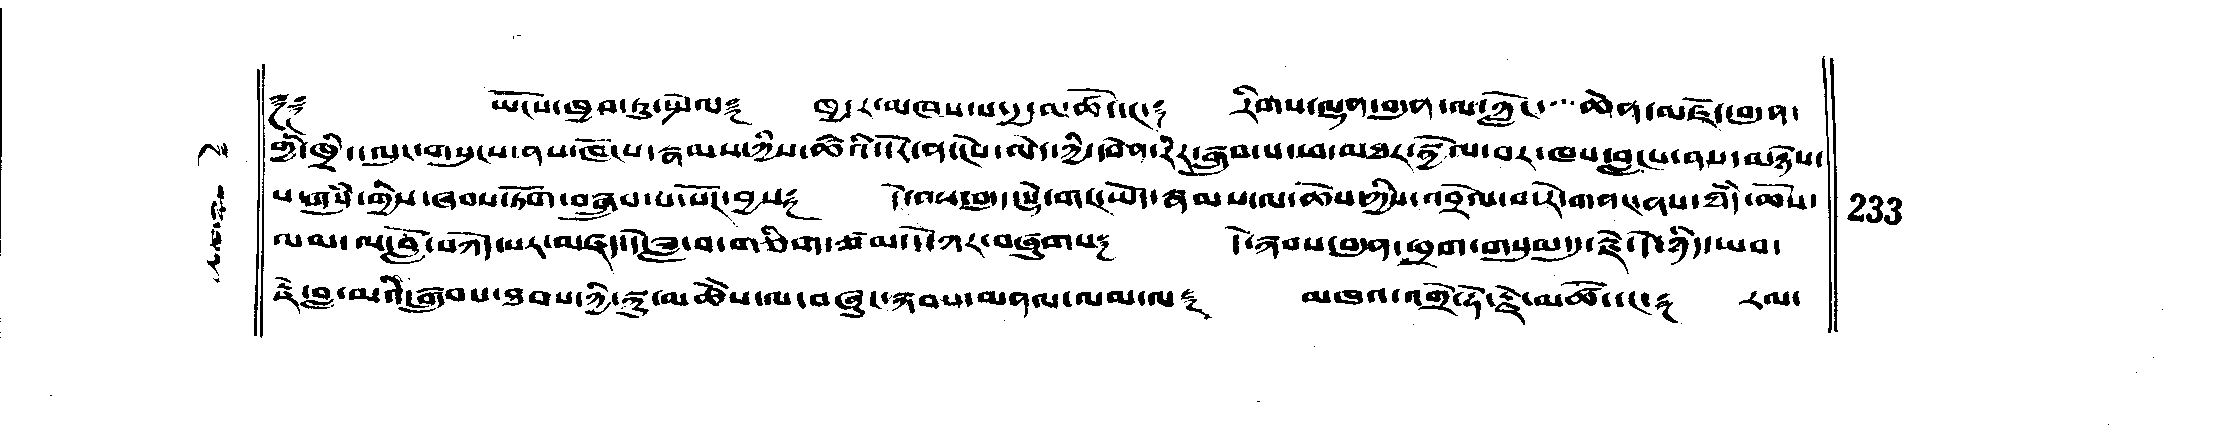ཡོངས་ཁྱབ་ཏུ་སྤེལ། ཁྱད་པར་མཁས་པ་རྒྱ་མཚོ་དང་། རིགས་ལྡན་བདུན་ལ་ཀློང་ཆེན་མཛོད་བདུན་
གྱི་ཁྲིད་ལུང་གསུངས་ནས་ཁོང་རྣམས་ཀྱིས་ཚེ་འདི་དོར་ན་ངེས་མེད་ཀྱི་དབེན་རིར་སྒྲུབ་པ་ཕ་མཐར་སྐྱོལ་བར་ཁས་བླངས་ནས་མཉེས་
པ་གསུམ་གྱིས་ཞབས་ཏོག་བསྒྲུབ་པ་སོགས་བྱས།དེ་ནས་བདུད་སྡེ་གང་ཡོད་རྣམས་ལ་ཆོས་ཀྱིས་འབྲེལ་བ་རེ་གནང་ནས་ཐམས་ཅད་ཆོས་
ལམ་ལ་བློ་བཀོད་པར་མཛད་དེ་ཟླ་བ་གཅིག་ཙམ་དེ་ཀར་བཞུགས། དེ་སྐབས་བདུན་ཕྲག་གསུམ་དུ་རྗེ་དེ་ཉིད་ཡབ་
རྗེ་བླ་མའི་སྒྲུབ་ཐབས་ཀྱི་སྐུ་མཚམས་ལ་བཞུགས་སྐབས་མནལ་ལམ་ལ། མཁའ་འགྲོ་རྡོ་རྗེ་མཚོ་དང་། རལ་